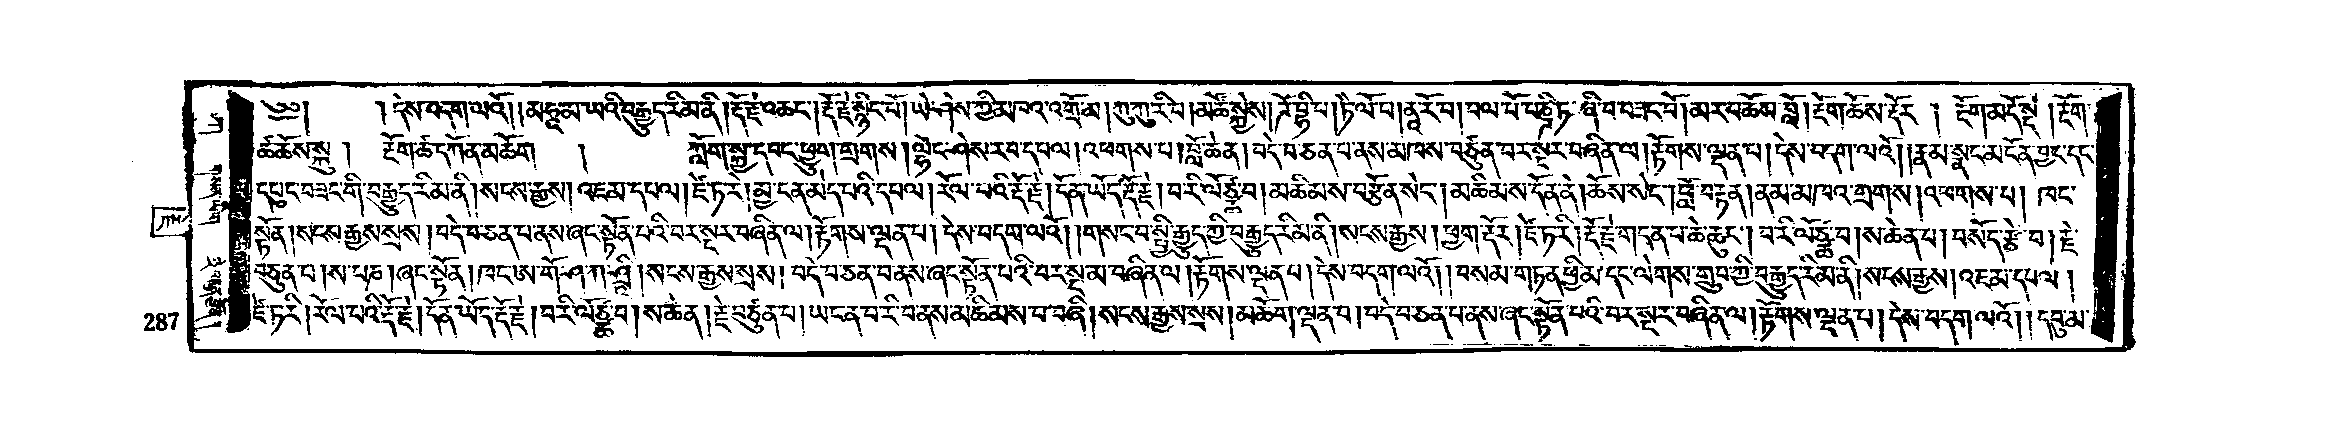༄༅། །དེས་བདག་ལའོ། །མྷཱ་མ་ཡའི་བརྒྱུད་རིམ་ནི། རྡོ་རྗེ་འཆང་། རྡོ་རྗེ་སྙིང་པོ། ཡེ་ཤེས་ཀྱི་མཁའ་འགྲོ་མ། ཀུ་ཀུ་རི་པ། མཚོ་སྐྱེས། ཌོ་བྷི་པ། ཏཻ་ལོ་པ། ནཱ་རོ་པ། བལ་པོ་པཎྜི་ཏ་ཞི་བ་བཟང་པོ། མར་པ་ཆོས་བློ། རྡོག་ཆོས་རྡོར། རྔོག་མདོ་སྡེ། རྔོག་
ཚ་ཆོས་སྐུ། རྔོག་ཚ་དཀོན་མཆོག ། ཀློག་སྐྱ་དབང་ཕྱུག་གྲགས། ལྷེང་ཤེས་རབ་དཔལ། འཕགས་པ། བློ་ཆེན། བདེ་བ་ཅན་པ་ནས་མཁས་བཙུན་བར་སྔར་བཞིན་ལ། རྟོགས་ལྡན་པ། དེས་བདག་ལའོ། །རྣམ་སྣང་མངོན་བྱང་དང་
དཔུང་བཟང་གི་བརྒྱུད་རིམ་ནི། སངས་རྒྱས། འཇམ་དཔལ། ཛེ་ཏ་རེ། མྱ་ངན་མེད་པའི་དཔལ། རོལ་པའི་རྡོ་རྗེ། དོན་ཡོད་རྡོ་རྗེ། བ་རི་ལོ་ཙྪ་བ། མཆིམས་བརྩོན་སེང་། མཆིམས་དོན་ནེ། ཆོས་སེང་། བློ་བརྟན། ནམ་མཁའ་གྲགས། འཕགས་པ། ཁང་
སྟོན། སངས་རྒྱས་སྲས། བདེ་བ་ཅན་པ་ནས་ཞང་སྟོན་པའི་བར་སྔར་བཞིན་ལ། རྟོགས་ལྡན་པ། དེས་བདག་ལའོ། །གསང་བ་སྤྱི་རྒྱུད་ཀྱི་བརྒྱུད་རིམ་ནི། སངས་རྒྱས། ཕྱག་རྡོར། ཛེ་ཏ་རི། རྡོ་རྗེ་གདན་པ་ཆེ་ཆུང་། བ་རི་ལོཙྪ་བ། ས་ཆེན་པ། བསོད་རྩེ་བ། རྗེ་
བཅུན་པ། ས་པཎ། ཞང་སྟོན། ཁང་ཨ་གོ་ཤ་ཀ་ཤྲཱི། སངས་རྒྱས་སྲས། བདེ་བ་ཅན་བ་ནས་ཞང་སྟོན་པའི་བར་སྔ་མ་བཞིན་ལ། རྟོགས་ལྡན་པ། དེས་བདག་ལའོ། །བསམ་གཏན་ཕྱི་མ་དང་ལེགས་གྲུབ་ཀྱི་བརྒྱུད་རིམ་ནི། སངས་རྒྱས། འཇམ་དཔལ།
ཛེ་ཏ་རི། རོལ་པའི་རྡོ་རྗེ། དོན་ཡོད་རྡོ་རྗེ། བ་རི་ལོཙྪ་བ། ས་ཆེན། རྗེ་བཙུན་པ། ཡང་ན་བ་རི་བ་ནས་མཆིམས་པ་བཞི། སངས་རྒྱས་སྲས། མཆོག་ལྡན་པ། བདེ་བ་ཅན་པ་ནས་ཞང་སྟོན་པའི་བར་སྔར་བཞིན་ལ། རྟོགས་ལྡན་པ། དེས་བདག་ལའོ། །དབུ་མ་